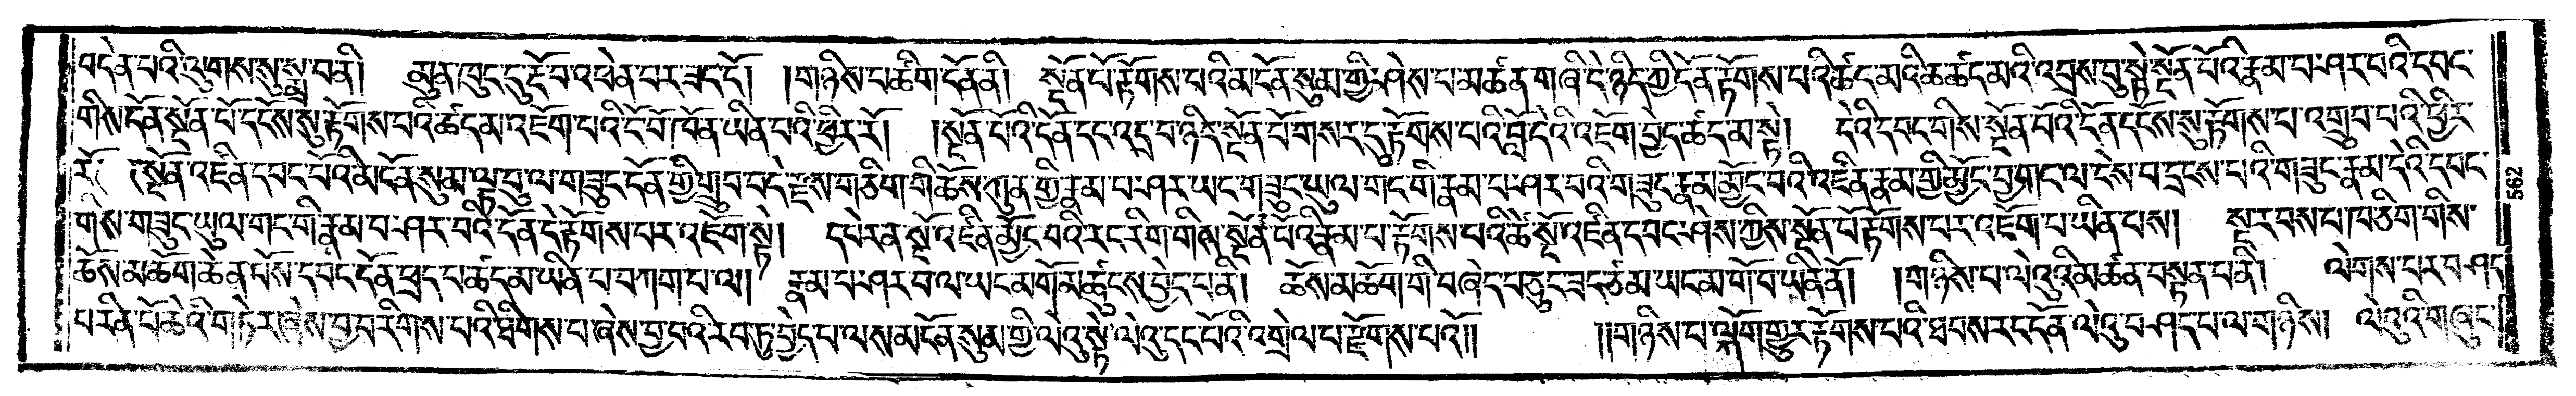བདེན་པའི་ལུགས་སུ་སྨྲ་བ་ནི། མུན་ཁུང་དུ་རྔོ་བ་འཕེན་པར་ཟད་དོ། །གཉིས་པ་ཚིག་དོན་ནི། སྔོན་པོ་རྟོགས་པའི་མངོན་སུམ་གྱི་ཤེས་པ་མཚན་གཞི་དེ་ཉིད་ཀྱི་དོན་རྟོགས་པའི་ཚད་མའི་ཆ་ཚད་མའི་འབྲས་བུ་སྟེ་སྔོན་པོའི་རྣམ་པ་ཤར་བའི་དབང་
གིས་དོན་སྔོན་པོ་དངོས་སུ་རྟོགས་པའི་ཚད་མ་འཇོག་པའི་ངོ་བོ་ཁོ་ན་ཡིན་པའི་ཕྱིར་རོ། །སྔོན་པོའི་དོན་དང་འདྲ་བ་ཉིད་སྔོན་པོ་གསར་དུ་རྟོགས་པའི་བློ་དེའི་འཇོག་བྱེད་ཚད་མ་སྟེ། དེའི་དབང་གིས་སྔོན་བོའི་དོན་དངོས་སུ་རྟོགས་པ་འགྲུབ་པའི་ཕྱིར་
རོ༑ ༑སྔོན་འཛིན་དབང་པོའི་མངོན་སུམ་ལྟ་བུ་ལ་གཟུང་དོན་གྱི་གྲུབ་པ་བདེ་རྫས་གཅིག་གི་ཆོས་ཀུན་གྱི་རྣམ་པ་ཤར་ཡང་གཟུང་ཡུལ་གང་གི་རྣམ་པ་ཤར་པའི་གཟུང་རྣམ་མྱོང་བའི་འཛིན་རྣམ་གྱི་མྱོང་བྱ་གང་ལ་ངེས་པ་དྲངས་པའི་གཟུང་རྣམ་དེའི་དབང་
གིས་གཟུང་ཡུལ་གང་གི་རྣམ་པ་ཤར་བའི་དོན་དེ་རྟོགས་པར་འཇོག་སྟེ། དཔེར་ན་སྔོ་འཛིན་མྱོང་བའི་རང་རིག་གིས་སྔོན་པོའི་རྣམ་པ་རྟོགས་པའི་ཚེ་སྔོན་འཛིན་དབང་ཤེས་ཀྱིས་སྔོན་པོ་རྟོགས་པར་འཇོག་པ་ཡིན་པས། སྔ་རབས་པ་ཁ་ཅིག་གིས་
ཆོས་མཆོག་ཆེན་པོས་དབང་དོན་ཕྲད་པ་ཚད་མ་ཡིན་པ་བཀག་པ་ལ། རྣམ་པ་ཤར་པ་ལ་ཡང་མགོ་མཚུངས་བྱེད་པ་ནི། ཆོས་མཆོག་གི་བཞེད་པ་ཅུང་ཟད་ཙམ་ཡང་མ་གོ་བ་ཡིན་ནོ། །གཉིས་པ་ལེའུའི་མཚན་བསྟན་པ་ནི། ལེགས་པར་བཤད་
པ་རིན་པོ་ཆེའི་གཏེར་ཞེས་བྱ་བ་རིགས་པའི་ཐིགས་པ་ཞེས་བྱ་བའི་རབ་ཏུ་བྱེད་པ་ལས་མངོན་སུམ་གྱི་ལེའུ་སྟེ་ལེའུ་དང་པོའི་འགྲེལ་བ་རྫོགས་པའོ།། །།གཉིས་པ་ལྐོག་གྱུར་རྟོགས་པའི་ཐབས་རང་དོན་ལེའུ་བཤད་པ་ལ་གཉིས། ལེའུའི་གཞུང་